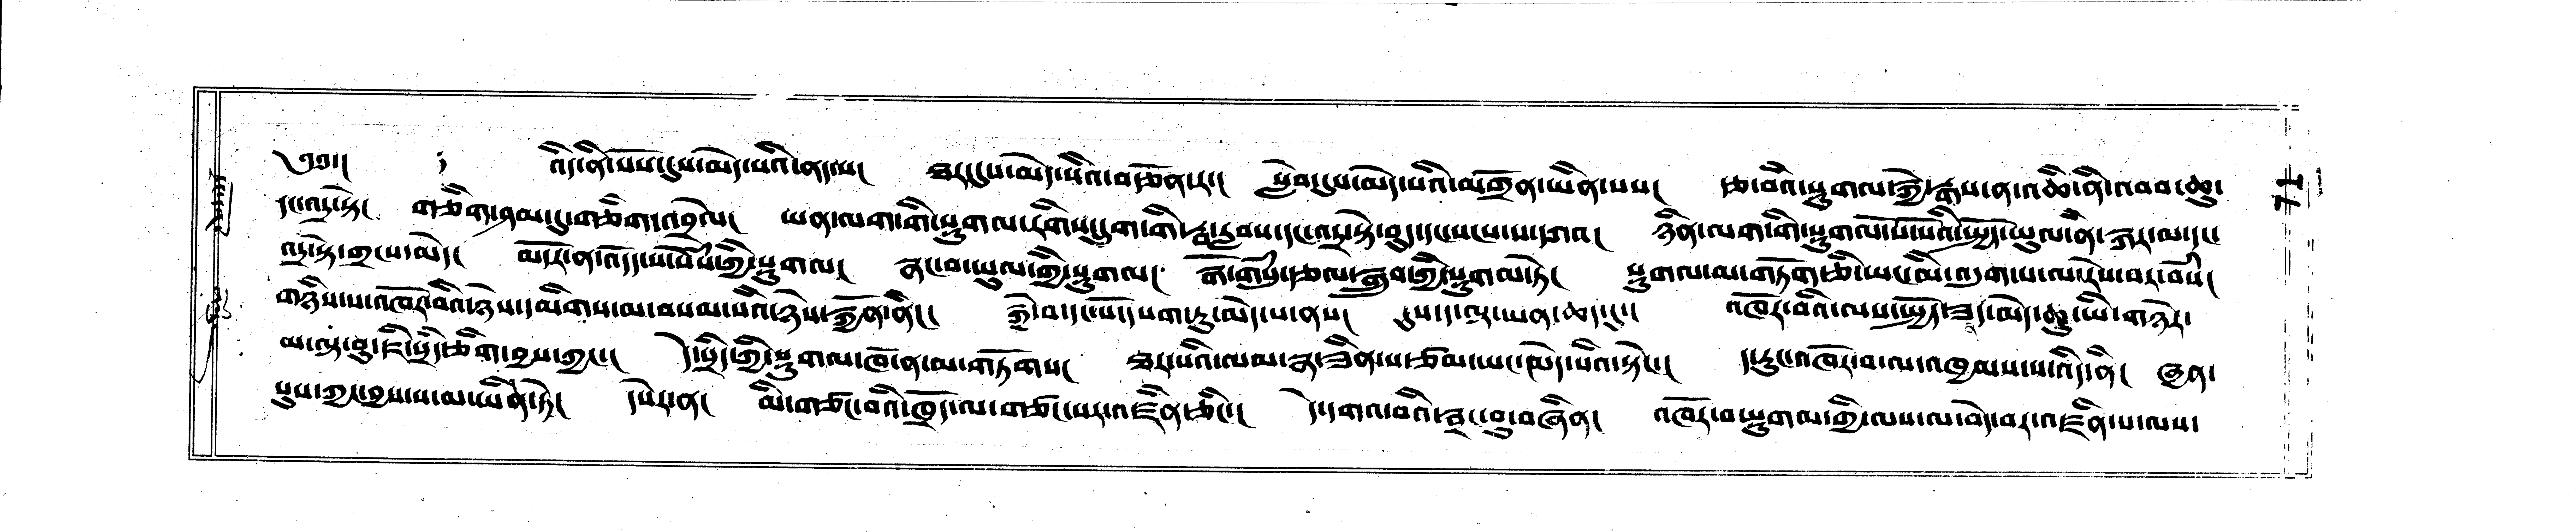འདི་ནི་སོས་དུས་མེད་པའི་ནད་པ། ཐར་དུས་མེད་པའི་བཙོན་རྭ། སླེབ་དུས་མེད་པའི་མགྲོན་ཡིན་པས། རྩ་བའི་སྡུག་བསྔལ་སྐྱེ་རྒ་ན་འཆི་ནི་འབབ་ཆུ་
དང་འདྲ་སྟེ། གཅིག་གཤམ་དུ་གཅིག་འབྲེལ། ཡན་ལག་གི་སྡུག་བསྔལ་རིགས་དྲུག་གི་རྦ་རླབས་དང་འདྲ་སྟེ་བུད་དང་སངས་པ་དཀའ། ཉིང་ལག་གི་སྡུག་བསྔལ་སོ་སོའི་སྤྱོད་ཡུལ་ནི་སྐར་མ་དང་
འདྲ་སྟེ་གྲངས་མེད། མདོར་ན་འདོད་པ་སེམས་ཀྱི་སྡུག་བསྔལ། སྣང་བ་ཡུལ་གྱི་སྡུག་བསྔལ། སྒོ་གསུམ་རྩོལ་སྒྲུབ་ཀྱི་སྡུག་བསྔལ་ཏེ། སྡུག་བསྔལ་མ་གཏོགས་ཅི་ཡང་མི་འདུག་པ་ལ་ངེས་པར་བསམ། །
གཉིས་པ་འཁོར་བའི་ཉེས་དམིགས་མ་བསམ་པའི་ཉེས་སྐྱོན་ནི། སྐྱེ་བ་དང་པོ་དཔག་ཏུ་མེད་པ་ནས། དུས་ད་ལྟ་ཡན་ཆད་དུ། འཁོར་བའི་ལས་སྤྱོད་ཟད་མེད་ཆུ་ཡི་གཉེར་
མ་ལྟ་བུ་ཇི་སྲིད་ཅིག་བྱས་ཀྱང་། དེ་སྲིད་ཀྱི་སྡུག་བསྔལ་ཁོ་ན་མ་གཏོགས་ཐར་པའི་ལམ་སྣ་ཟིན་པ་ཙམ་ཡང་མེད་པའི་སྟེང་། ད་རུང་འཁོར་བ་ལ་འཁྱམས་པ་འདི་ནི། གཞན་
སུས་ཀྱང་བྱས་པ་མ་ཡིན་ཏེ། དཔེར་ན། མི་གཙང་བའི་ཁྲོད་ན་གཙང་བར་འཛིན་ཅིང་། དེ་དགའ་བའི་སྦྲང་བུ་བཞིན། འཁོར་བ་སྡུག་བསྔལ་གྱི་ལས་ལ་བདེ་བར་འཛིན་པ་ལས་